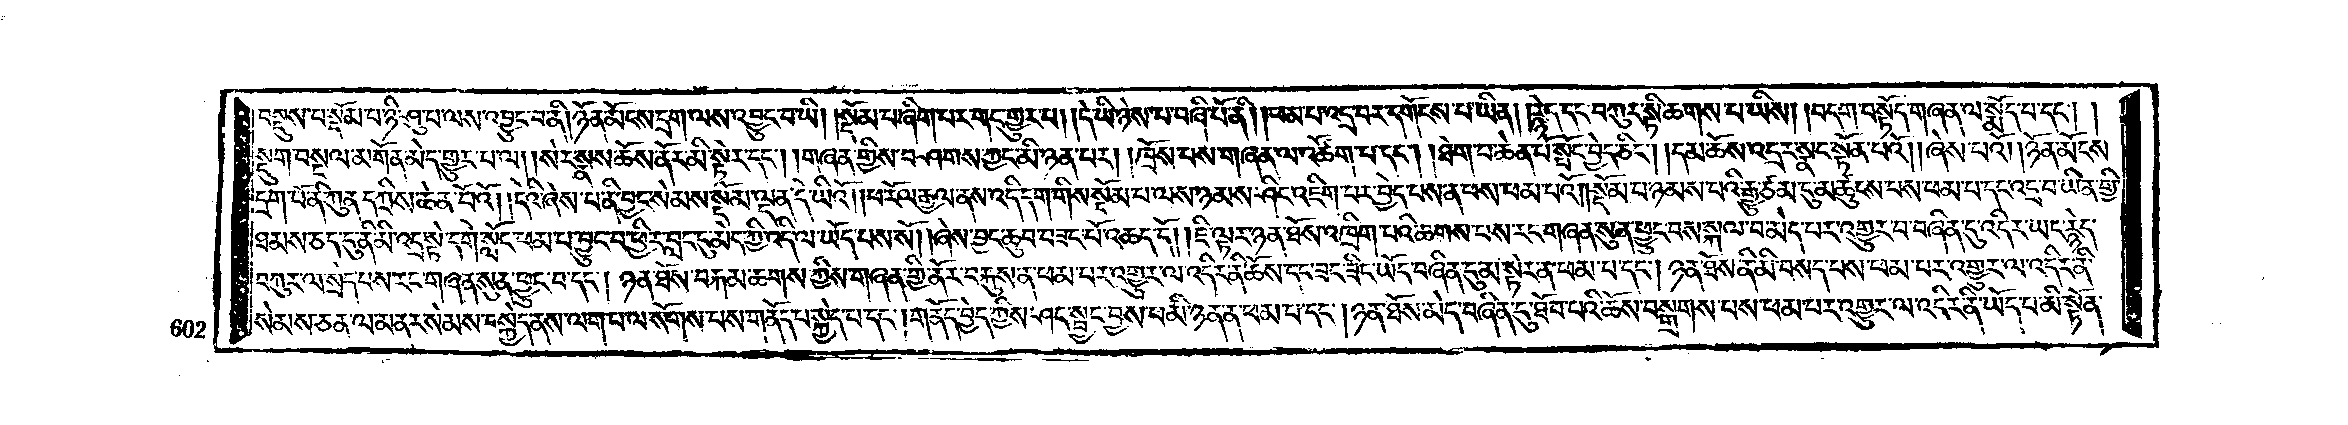བསྡུས་པ་སྡོམ་པ་ཉི་ཤུ་པ་ལས་འབྱུང་བ་ནི། ཉོན་མོངས་དྲག་ལས་འབྱུང་བ་ཡི། །སྡོམ་པ་ཞིག་པར་གང་གྱུར་པ། །དེ་ཡི་ཉེས་པ་བཞི་པོ་ནི། །ཕམ་པ་འདྲ་བར་དགོངས་པ་ཡིན། །རྙེད་དང་བཀུར་སྟི་ཆགས་པ་ཡིས། །བདག་བསྟོད་གཞན་ལ་སྨོད་པ་དང་། །
སྡུག་བསྔལ་མགོན་མེད་གྱུར་པ་ལ། །སེར་སྣས་ཆོས་ནོར་མི་སྟེར་དང་། །གཞན་གྱིས་བཤགས་ཀྱང་མི་ཉན་པར། །ཁྲོས་པས་གཞན་ལ་འཚོག་པ་དང་། །ཐེག་པ་ཆེན་པོ་སྤོང་བྱེད་ཅིང་། དམ་ཆོས་འདྲར་སྣང་སྟོན་པའོ། །ཞེས་པའོ། །ཉོན་མོངས་
དྲག་པོ་ནི་ཀུན་དཀྲིས་ཆེན་པོའོ། །དེའི་ཞེས་པ་ནི་བྱང་སེམས་སྡོམ་ལྡན་དེ་ཡིའོ། །ཕ་རོལ་རྒྱལ་ནས་འདི་དག་གིས་སྔོམ་པ་ལས་ཉམས་ཤིང་འཇིག་པར་བྱེད་པས་ན་ཕས་ཕམ་པའོ། །སྡོམ་པ་ཉམས་པའི་རྒྱུ་ཙམ་དུ་མཚུངས་པས་ཕམ་པ་དང་འདྲ་བ་ཡིན་གྱི་
ཐམས་ཅད་དུ་ནི་མི་འདྲ་སྟེ་དགེ་སློང་ཕམ་པ་བྱུང་བ་ཕྱིར་བླང་དུ་མེད་ཀྱི་འདི་ལ་ཡོད་པས་སོ། །ཞེས་བྱང་ཆུབ་བཟང་པོ་འཆད་དོ། །ཇི་ལྟར་ཉན་ཐོས་འཁྲིག་པའི་ཆགས་པས་རང་གཞན་སུན་ཕྱུང་བས་སྐལ་བ་མེད་པར་འགྱུར་བ་བཞིན་དུ་འདིར་ཡང་རྙེད་
བདུར་ལ་སྲེད་པས་རང་གཞན་སུ་ན་ཕྱུང་བ་དང་། ཉན་ཐོས་བརྐམ་ཆགས་ཀྱིས་གཞན་གྱི་ནོར་བརྐུས་ན་ཕམ་པར་འགྱུར་ལ་འདིར་ནི་ཆོས་དང་ཟང་ཟིང་ཡོད་བཞིན་དུ་མ་སྟེར་ན་ཕམ་པ་དང་། ཉན་ཐོས་ནི་མི་བསད་པས་ཕམ་པར་འགྱུར་ལ་འདིར་ནི་
སེམས་ཅན་ལ་མནར་སེམས་བསྐྱེད་ནས་ལག་པ་ལ་སོགས་པས་གནོད་པ་སྐྱེད་པ་དང་། གནོད་བྱེད་ཀྱིས་ཤད་སྦྱང་བྱས་པ་མི་ཉན་ན་ཕམ་པ་དང་། ཉན་ཐོས་མེད་བཞིན་དུ་ཐོབ་པའི་ཆོས་བསྒྲགས་པས་ཕམ་པར་འགྱུར་ལ་འདིར་ནི་ཡོད་པ་མི་སྟོན་